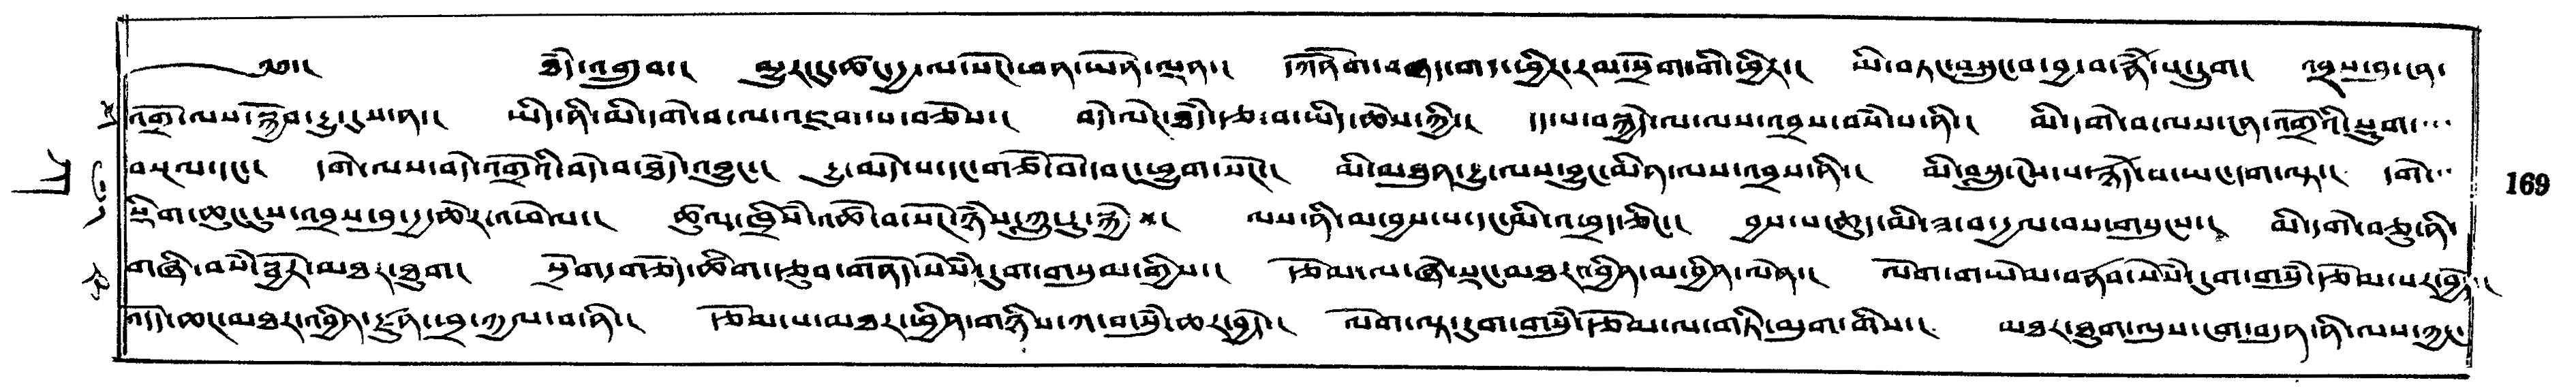ཐམས་ཅད་འགྲུབ། །མྱུར་དུ་འཚང་རྒྱ་ལ་སོགས་ཕན་ཡོན་ལྡན། །དཀོན་མཆོག་བཞད་གད་ཕྱིར་རམ་སྲོག་གི་ཕྱིར། །མི་བཏང་བསྲུང་བར་བྱ་བ་རྣམ་པ་དྲུག།འབྲས་བུ་ངན་
འགྲོ་ལས་སྐྱོབ་རྒྱུ་དུས་ན། །ཡིད་ནི་མི་དགེ་བ་ལ་འཇུག་པ་བཅོས། །བདེ་ལེགས་ཐམས་ཅད་རྩ་བ་ཡིད་ཆེས་ཀྱི། །དད་པ་བསྐྱེད་ལ་ལས་འབྲས་བསམ་པ་ནི། །མི་དགེ་བ་ལས་ངན་འགྲོའི་སྡུག་
བསྔལ་དང་། །དགེ་ལས་བདེ་འགྲོའི་བདེ་བ་ཐམས་ཅད་འབྱུང་། །རྒྱུ་མེད་པ་དང་གཙོ་བོ་དབང་ཕྱུག་སོགས། །མི་མཐུན་རྒྱུ་ལས་བྱུང་མིན་ལས་འབྲས་ནི། །མི་བསླུ་ངེས་པ་རྙེད་པ་ཡང་དག་ལྟ། །དགེ་
སྡིག་ཆུང་ངུས་འབྲས་བུ་རྒྱ་ཆེར་འཕེལ། །ཚུལ་ཁྲིམས་འཚོ་བ་སོགས་ཉམས་ཀླུ་རུ་སྐྱེ། །ལས་ནི་མ་བྱས་པ་དང་མི་འཕྲད་ཅིང་། །བྱས་པ་ཆུད་མི་ཟ་བར་རྒྱལ་བས་གསུངས། །མི་དགེ་བཅུ་ནི་
གཞི་བསམ་སྦྱོར་མཐར་ཐུག །སྲོག་གཅོད་ཚིག་རྩུབ་གནོད་སེམས་དུག་གསུམ་གྱིས། །རྩོམ་ལ་ཞེ་སྡང་མཐར་འབྱིན་མ་བྱིན་ལེན། །ལོག་གཡེམ་བརྣབ་སེམས་དུག་གསུམ་རྩོམ་པར་བྱེད། །
འདོད་ཆགས་མཐར་འབྱིན་རྫུན་ཕྲ་ཀྱལ་བ་ནི། །རྩོམ་པ་མཐར་ཕྱིན་གཉིས་ཀ་གསུམ་ཆར་བྱེད། །ལོག་ལྟ་དུག་གསུམ་རྩོམ་ལ་གཏི་མུག་གིས། །མཐར་ཐུག་ལུས་ངག་བདུན་ནི་ལས་ཀྱང་